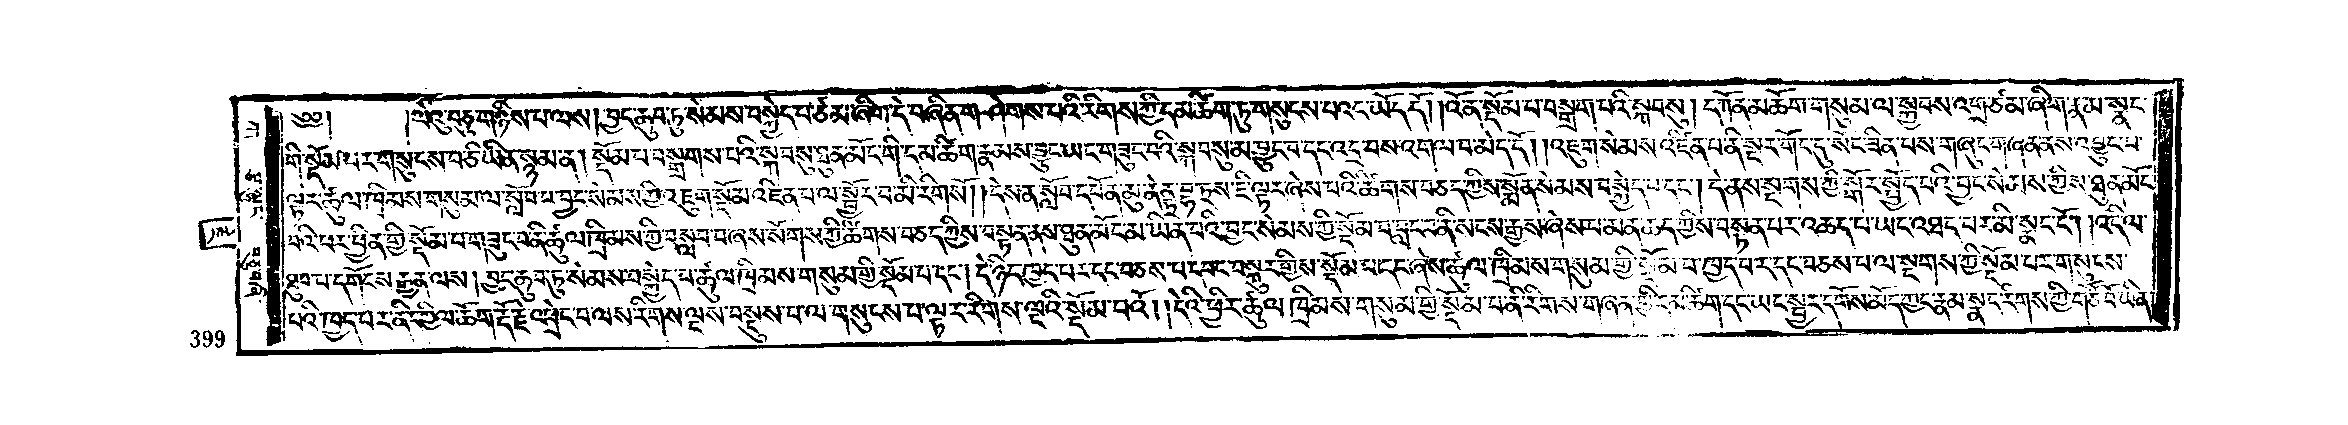༄༅། །ལེའུ་བཅུ་གཉིས་པ་ལས། བྱང་ཆུབ་ཏུ་སེམས་བསྐྱེད་པ་ཙམ་ཞིག་དེ་བཞིན་གཤེགས་པའི་རིགས་ཀྱི་དམ་ཚིག་ཏུ་གསུངས་པའང་ཡོད་དོ། །འོ་ན་སྡོམ་པ་བསྒྲག་པའི་སྐབས་སུ། དཀོན་མཆོག་གསུམ་ལ་སྐྱབས་འགྲ་ཙམ་ཞིག་རྣམ་སྣང་
གི་སྡོམ་པར་གསུངས་པ་ཅི་ཡིན་སྙམ་ན། སྡོམ་པ་བསྒྲགས་པའི་སྐབས་སུ་ཐུན་མོང་གི་དམ་ཚིག་རྣམས་བྱུང་ཡང་གཟུང་བའི་སྐབས་སུ་མ་བྱུང་བ་དང་འདྲ་བས་འགལ་བ་མེད་དོ། །འཇུག་སེམས་འཛིན་པ་ནི་སྔར་གོང་དུ་སོང་ཟིན་པས་གཟུང་གཞན་ནས་འབྱུང་པ་
ལྟར་ཚུལ་ཁྲིམས་གསུམ་ལ་སློབ་པ་བྱང་སེམས་ཀྱི་འཇུག་སྡོམ་འཛིན་པ་ལ་སྦྱོར་བ་མི་རིགས་སོ། །དེས་ན་སློབ་དཔོན་མུ་ནེནྟྲ་བྷ་ཏྲས་ཇི་ལྟར་ཞེས་པའི་ཚིགས་བཅད་ཀྱིས་སྨོན་སེམས་བསྐྱེད་པ་དང་། དེ་ནས་སྔགས་ཀྱི་སྒོར་སྤྱོད་པའི་བྱང་སེམས་ཀྱིས་ཐུན་མོང་
པའི་ཕར་ཕྱིན་གྱི་སྡོམ་པ་གཟུང་བ་ནི་ཚུལ་ཁྲིམས་ཀྱི་བསླབ་པ་ཞས་སོགས་ཀྱི་ཚིགས་བཅད་ཀྱིས་བསྟན་ནས་ཐུན་མོང་མ་ཡིན་པའི་བྱང་སེམས་ཀྱི་སྡོམ་བ་བླང་བ་ནི་སངས་རྒྱས་ཞེས་པ་མན་ཆད་ཀྱིས་བསྟན་པར་འཆད་པ་ཡང་འཐད་པར་མི་སྣང་ངོ། །འདི་ལ་
ཐུབ་པ་དགོངས་རྒྱན་ལས། བྱང་ཆུབ་ཏུ་སེམས་བསྐྱེད་པ་ཚུལ་ཁྲིམས་གསུམ་གྱི་སྡོམ་པ་དང་། དེ་ཉིད་ཁྱད་པར་དང་བཅས་པ་དབང་བསྐུར་གྱིས་སྡོམ་པ་དང་ཞེས་ཚུལ་ཁྲིམས་གསུམ་གྱི་སྡོམ་པ་ཁྱད་པར་དང་བཅས་པ་ལ་སྔགས་ཀྱི་སྡོམ་པར་གསུངས་
པའི་ཁྱད་པར་ནི་དཀྱིལ་ཆོག་རྡོ་རྗེ་འཕྲེང་བ་ལས་རིགས་ལྔས་བསྡུས་པ་ལ་གསུངས་པ་ལྟར་རིགས་ལྔའི་སྡོམ་པའོ། །དེའི་ཕྱིར་ཚུལ་ཁྲིམས་གསུམ་གྱི་སྡོམ་པ་ནི་རིགས་གཞན་གྱི་དམ་ཚིག་དང་ཡང་སྦྱར་དགོས་མོད་ཀྱང་རྣམ་སྣང་རིགས་ཀྱི་གཙོ་བོ་ཡིན་